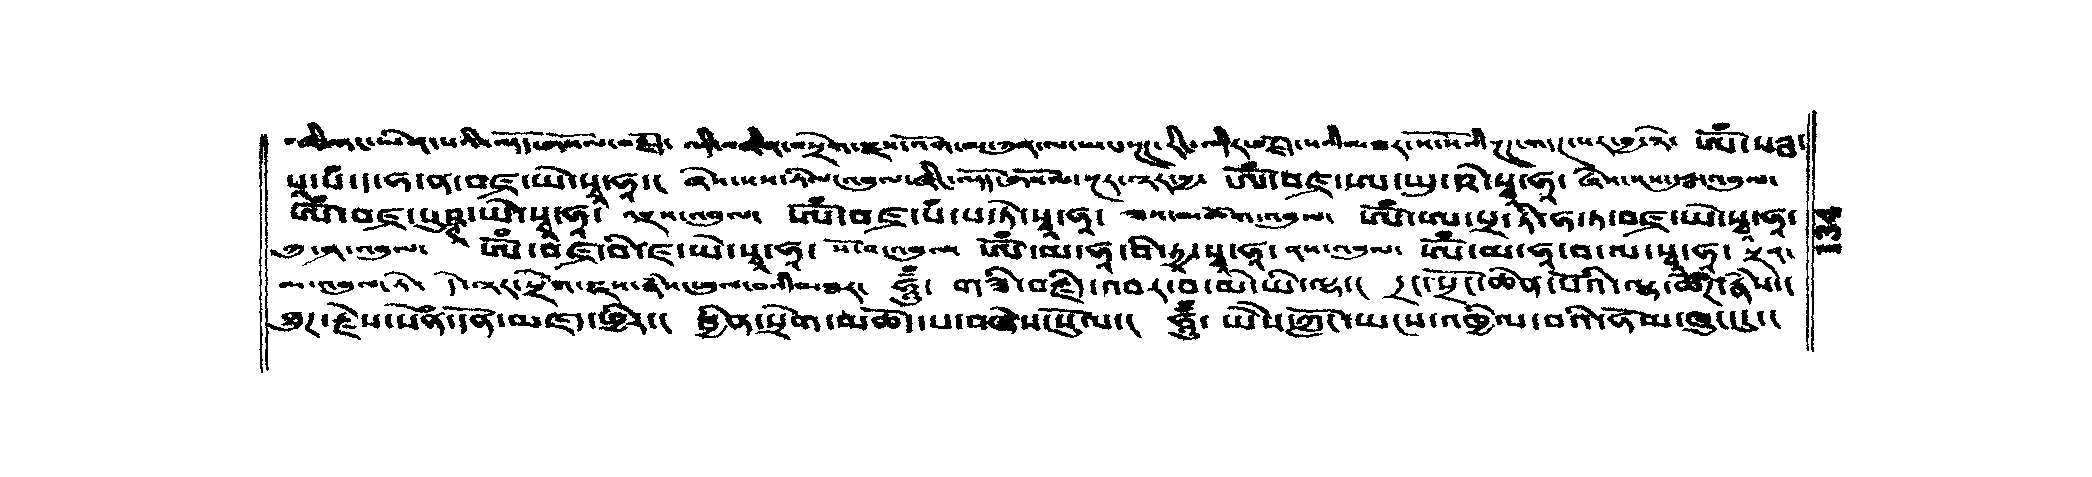བཞི་གང་ཡིན་པའི་དགོས་གསོལ་བརྗོད། འདི་བཞིན་བསྲེག་རྫས་འོག་མ་ཀུན་ལ་ཡང་སྔགས་རིང་བརྗོད་པའི་མཐར་སོ་སོའི་སྔགས་གདགས་པར་བྱ་སྟེ། ཨོྃ་སརྦ་
པཱ་པཾ་ད་ཧ་ན་བཛྲ་ཡེ་སྭཱ་ཧཱ། ཞེས་པས་ཏིལ་འབུལ་ཞིང་དགོས་གསོལ་སྔར་ལྟར་བྱ། ཨོྃ་བཛྲ་ཨ་ཡུ་རེ་སྭཱ་ཧཱ། ཞེས་ནས་དུརྦ་འབུལ། 
ཨོ་བཛྲ་པུཥྚ་ཡེ་སྭཱ་ཧཱ། འབྲས་འབུལ།ཨོྃ་བཛྲ་པཾ་པ་ཏེ་སྭཱ་ཧཱ། ཟས་མཆོག་འབུལ། ཨོྃ་ཨ་པྲ་ཏི་ཧ་ཏ་བཛྲ་ཡེ་སྭཱ་ཧཱ། 
ཀུ་ཤ་འབུལ། ཨོྃ་བཛྲ་བི་ཛ་ཡེ་སྭཱ་ཧཱ། སོ་བ་འབུལ། ཨོྃ་མ་ཧཱ་བི་ཏྱཱ་སྭཱ་ཧཱ། ནས་འབུལ། ཨོྃ་མ་ཧཱ་བ་ལ་སྭཱ་ཧཱ། སྲན་
མ་འབུལ་ཏེ། དེ་ལྟར་སྲེག་རྫས་ཕུལ་བའི་མཐར། ། ཧཱུྃ། གཟི་བརྗིད་འབར་བ་མེ་ཡི་ལྷ། །དྲང་སྲོང་ཆེན་པོའི་ལྷ་ཚོགས་རྣམས། །
ཐུགས་རྗེས་སེམས་ཅན་དོན་མཛད་ཕྱིར། །སྦྱིན་སྲེག་མཆོད་པ་བཞེས་སུ་གསོལ། །ཧཱུྃ། ཡེ་ཤེས་ཀློང་ཡངས་འཁྱིལ་བའི་ཧོམ་ཁུང་དུ། །